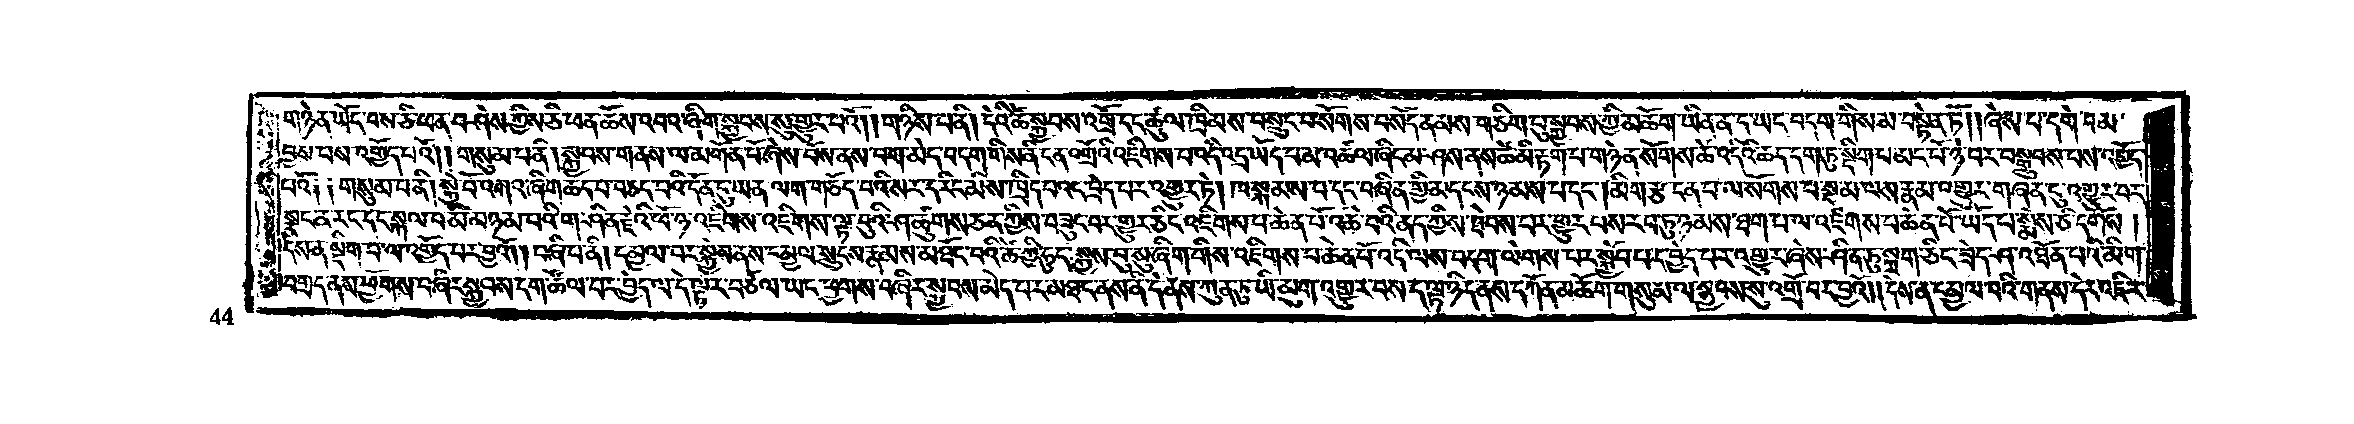གཉེན་ཡོད་པས་ཅི་ཕན་བཤེས་ཀྱིས་ཅི་ཕན་ཆོས་འབའ་ཞིག་སྐྱབས་སུ་གྱུར་པའོ། །གཉིས་པ་ནི། དེའི་ཚེ་སྐྱབས་འགྲོ་དང་ཚུལ་ཁྲིམས་བསྲུང་བ་སོགས་བསོད་ནམས་གཅིག་པུ་སྐྱབས་ཀྱི་མཆོག་ཡིན་ན་དེ་ཡང་བདག་གིས་མ་བསྟེན་ཏོ། །ཞེས་པ་དགེ་བ་མ་
བྱས་པས་འགྱོད་པའོ། །གསུམ་པ་ནི། སྐྱབས་གནས་ལ་མགོན་པོ་ཞེས་པོས་ནས་བག་མེད་བདག་གིས་ནི་ངན་འགྲོའི་འཇིགས་པ་འདི་འདྲ་ཡོད་པ་མ་འཚལ་ཞིང་མ་ཤེས་ནས་ཚེ་མི་རྟག་པ་གཉེན་སོགས་ཚེ་འདིའི་ཆད་དག་ཏུ་སྡིག་པ་མང་པོ་ཉེ་བར་བསྒྲུབས་པས་འགྱོད་
པའོ༑ ༑གསུམ་པ་ནི། སྐྱེ་བོ་འགའ་ཞིག་ཆད་པ་བཅད་པའི་དོན་དུ་ཡན་ལག་གཅོད་པའི་སར་དེ་རིང་མིས་ཁྲིད་པའང་བྲེད་པར་འགྱུར་ཏེ། ཁ་སྐམས་པ་དང་བཞིན་གྱི་མདངས་ཉམས་པ་དང་། མིག་རྩ་ངན་པ་ལ་སོགས་པ་སྔ་མ་ལས་རྣམ་འགྱུར་གཞན་དུ་འགྱུར་བར་
སྣང་ན་རང་དང་སྐལ་པ་མི་མཉམ་པའི་གཤིན་རྗེའི་ཕོ་ཉ་འཇིགས་འཇིགས་ལྟ་བུའི་ཤ་ཚུགས་ཅན་གྱིས་བཟུང་བར་གྱུར་ཅིང་འཇིགས་པ་ཆེན་པོ་འཆི་བའི་ནད་ཀྱིས་ཐེབས་པར་ཕུར་པས་རབ་ཏུ་ཉམས་ཐག་པ་ལ་འཛགས་པ་ཆེན་པོ་ཡོད་པ་སྨོས་ཅི་དགོས།
དས་ན་སྡིག་པ་ལ་འགྱོད་པར་བྱའོ། །བཞི་པ་ནི། དམྱལ་བར་སྐྱེས་ནས་དམྱལ་སྲུངས་རྣམས་མཐོང་བའི་ཚེ་ཀྱི་ཧུད་སྐྱབས་པུ་སུ་ཞིག་གིས་འཇིགས་པ་ཆེན་པོ་འདི་ལས་བདག་ལེགས་པར་སྐྱོབ་པར་བྱེད་པར་འགྱུར་ཞེས་ཤིན་ཏུ་སྐྲག་ཅིང་ཟེད་ཤ་འཐོན་པའི་མིག་
བགྲད་ནས་ཕྱོགས་བཞིར་སྐྱབས་དག་ཚོལ་བར་བྱེད་ལ་དེ་ལྟར་བཅོལ་ཡང་ཕྱོགས་བཞིར་སྐྱབས་མེད་པར་མཐར་ནས་ནི་དེ་ནས་ཀུན་ཏུ་ཡི་མུག་འགྱུར་བས་དེ་ལྟ་ཉིད་ནས་དཀོན་མཆོག་གསུམ་ལ་སྐྱབས་སུ་འགྲོ་བར་བྱའོ། །དེས་ན་དམྱལ་བའི་གནས་དེར་འཇིར་